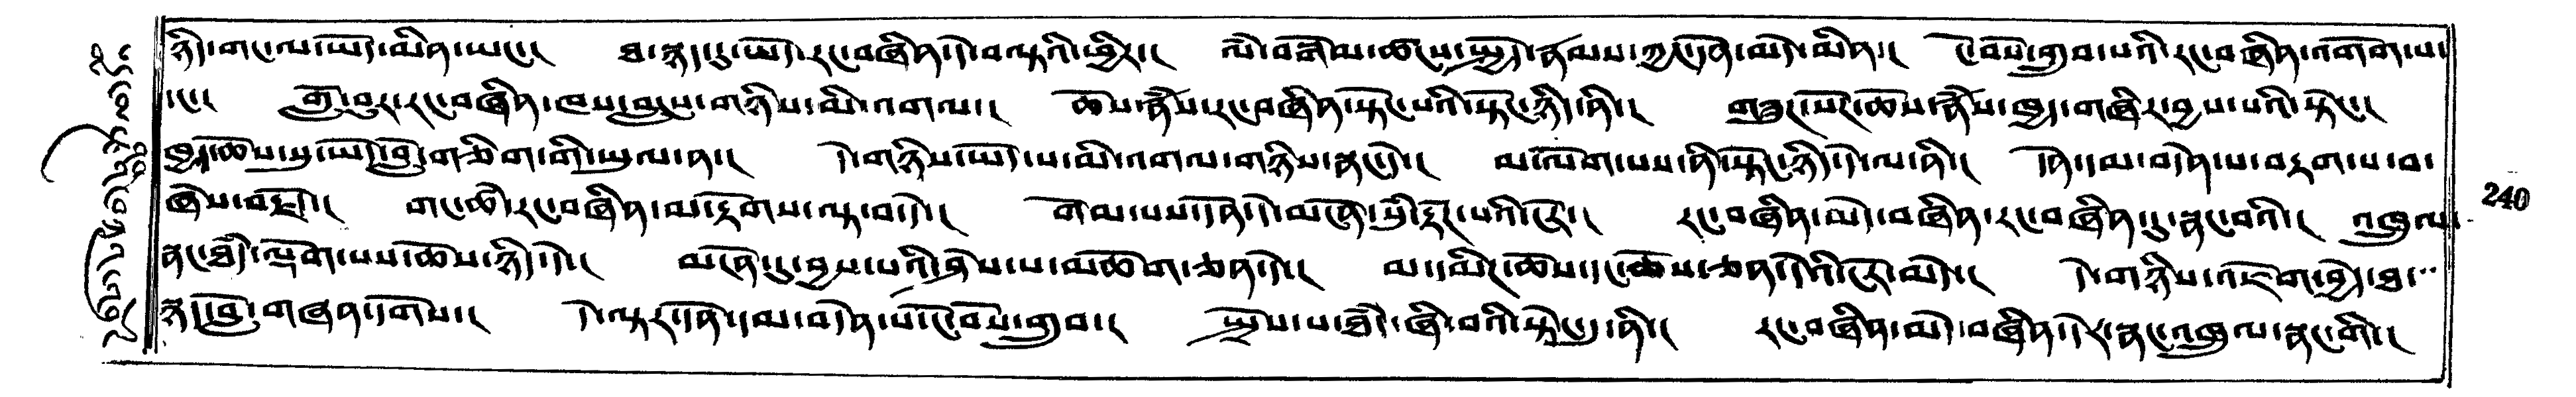ཉིད་གང་ལ་ཡོད་མིན་ཡང་། །ཐ་སྙད་དུ་ཡོད་རང་བཞིན་དེ་བལྟའི་ཕྱིར། །ལམ་བསྒོམ་ཚངས་སྤྱོད་རྣམས་ཀྱང་དོན་མེད་མིན། །ངོ་བོས་གྲུབ་པའི་རང་བཞིན་འགོག་པ་
དང་། །གློ་བུར་རང་བཞིན་ཁས་བླངས་གཉིས་མི་འགལ། །ཆོས་རྣམས་རང་བཞིན་སྟོང་པའི་སྟོང་ཉིད་ནི། །གཟུགས་སོགས་ཆོས་རྣམས་ཁྱད་གཞིར་བྱས་པའི་སྟེང།
ཁྱད་ཆོས་སུ་ཡོད་བློ་གཅིག་གི་ཡུལ་ན། །དེ་གཉིས་ཡོད་པ་མི་འགལ་གཉིས་སྣང་དེ། །མ་ལོག་པས་ནི་སྟོང་ཉིད་དེ་ལ་ནི། །དོན་དམ་བདེན་པ་བརྟགས་པ་བ་
ཞེས་བརྗོད། །གང་ཚེ་རང་བཞིན་མ་རྟོགས་ལྟ་བ་དེ། །གོམས་པས་དོན་དེ་མངོན་སུམ་རྟོགས་པའི་ངོར། །རང་བཞིན་མེད་བཞིན་རང་བཞིན་དུ་སྣང་བའི། །འཁྲུལ་
སྣང་ཐམས་ཅད་ལྡོག་པས་ཆོས་ཉིད་དེ། །མངོན་དུ་བྱས་པའི་ཤེས་པ་མཆོག་ཅན་དེ། །མ་དམིགས་ཆོས་དང་ཆོས་ཅན་དེའི་ངོར་མེད། །དེ་གཉིས་འཇོག་བྱེད་ཐ་
སྙད་བློ་གཞན་དགོས། །དེ་ལྟར་དོན་དམ་བདེན་པ་ངོ་བོས་གྲུབ། །སྤྲོས་པ་ཐམས་ཅད་ཞི་བའི་སྟེང་དུ་ནི། །རང་བཞིན་མེད་བཞིན་དེར་སྣང་འཁྲུལ་སྣང་གི